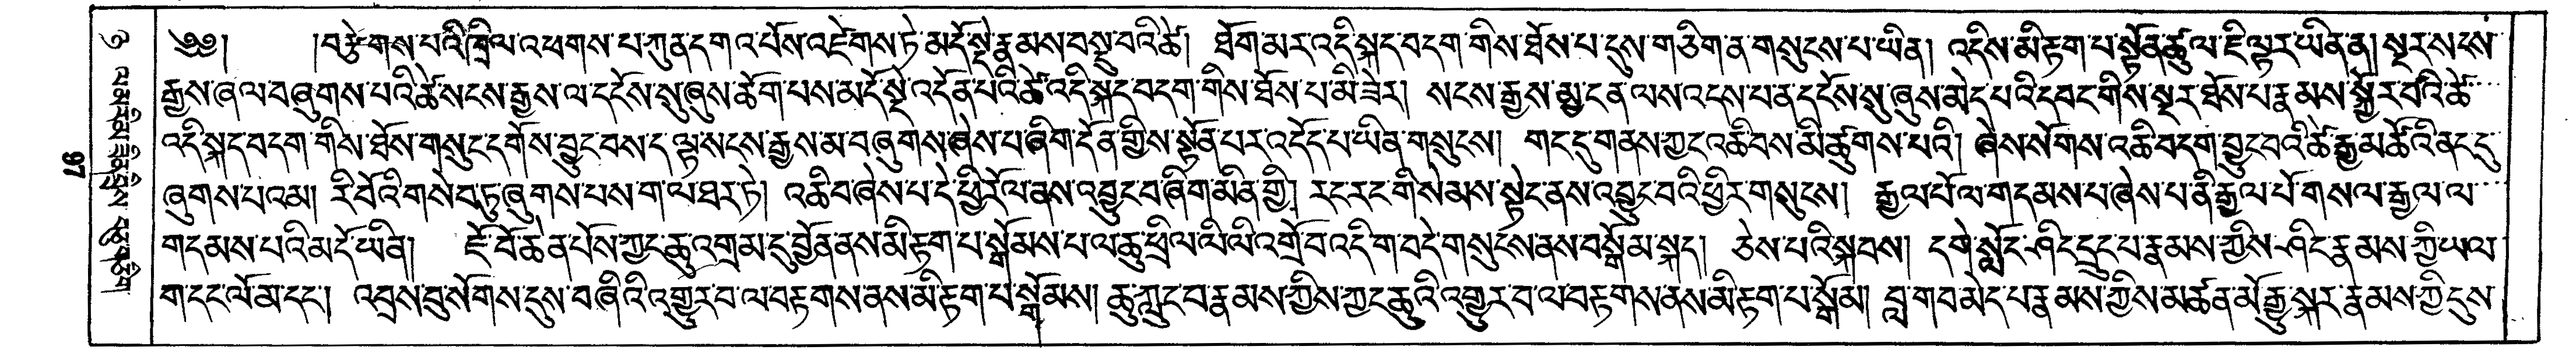༄༅། །བརྩེགས་པའི་ཁྲི་ལ་འཕགས་པ་ཀུན་དགའ་བོས་འཛེགས་ཏེ་མདོ་སྡེ་རྣམས་བསྡུ་བའི་ཚེ། ཐོག་མར་འདི་སྐད་བདག་གིས་ཐོས་བ་དུས་གཅིག་ན་གསུངས་པ་ཡིན། འདིས་མི་རྟག་པ་སྟོན་ཚུལ་ཇི་ལྟར་ཡིན་ན། སྔར་སངས་
རྒྱས་ཞལ་བཞུགས་པའི་ཚེ་སངས་རྒྱས་ལ་དངོས་སུ་ཞུས་ཆོག་པས་མདོ་སྡེ་འདོན་པའི་ཚེ་འདི་སྐད་བདག་གིས་ཐོས་པ་མི་ཟེར། སངས་རྒྱས་མྱ་ངན་ལས་འདས་པ་ན་དངོས་སུ་ཞུས་མེད་པའི་དབང་གིས་སྔར་ཐོས་པ་རྣམས་སྐྱོར་བའི་ཚེ་
འདི་སྐད་བདག་གིས་ཐོས་གསུང་དགོས་བྱུང་བས་ད་ལྟ་སངས་རྒྱས་མ་བཞུགས་ཞེས་པ་ཞིག་དོན་གྱིས་སྟོན་པར་འདོད་པ་ཡིན་གསུངས། གང་དུ་གནས་ཀྱང་འཆི་བས་མི་ཚུགས་པའི། ཞེས་སོགས་འཆི་བདག་བྱུང་བའི་ཚེ་རྒྱ་མཚོའི་ནང་དུ་
ཞུགས་པའམ། རི་བོའི་གསེབ་ཏུ་ཞུགས་པས་ག་ལ་ཐར་ཏེ། འཆི་བ་ཞེས་པ་དེ་ཕྱི་རོལ་ནས་འབྱུང་བཞིག་མིན་གྱི། རང་རང་གི་སེམས་སྟེང་ནས་འབྱུང་བའི་ཕྱིར་གསུངས། རྒྱལ་པོ་ལ་གདམས་པ་ཞེས་པ་ནི་རྒྱལ་པོ་གསལ་རྒྱལ་ལ་
གདམས་པའི་མདོ་ཡིན། ཇོ་བོ་ཆེན་པོས་ཀྱང་ཆུ་འགྲམ་དུ་བྱོན་ནས་མི་རྟག་པ་སྒོམས་པ་ལ་ཆུ་ཕྲིལ་ལི་ལི་འགྲོ་བ་འདིག་བདེ་གསུངས་ནས་བསྒོམ་སྐད། ཅེས་པའི་སྐབས། དགེ་སློང་ཤིང་དྲུང་པ་རྣམས་ཀྱིས་ཤིང་རྣམས་ཀྱི་ཡལ་
གདང་ལོ་མ་དང་། འབྲས་བུ་སོགས་དུས་བཞིའི་འགྱུར་བ་ལ་བརྟགས་ནས་མི་རྟག་པ་སྒོམས། ཆུ་ཀླུང་པ་རྣམས་ཀྱིས་ཀྱང་ཆུའི་འགྱུར་བ་ལ་བརྟགས་ནས་མི་རྟག་པ་སྒོམ། བླ་གབ་མེད་པ་རྣམས་ཀྱིས་མཚན་མོ་རྒྱུ་སྐར་རྣམས་ཀྱི་དུས་